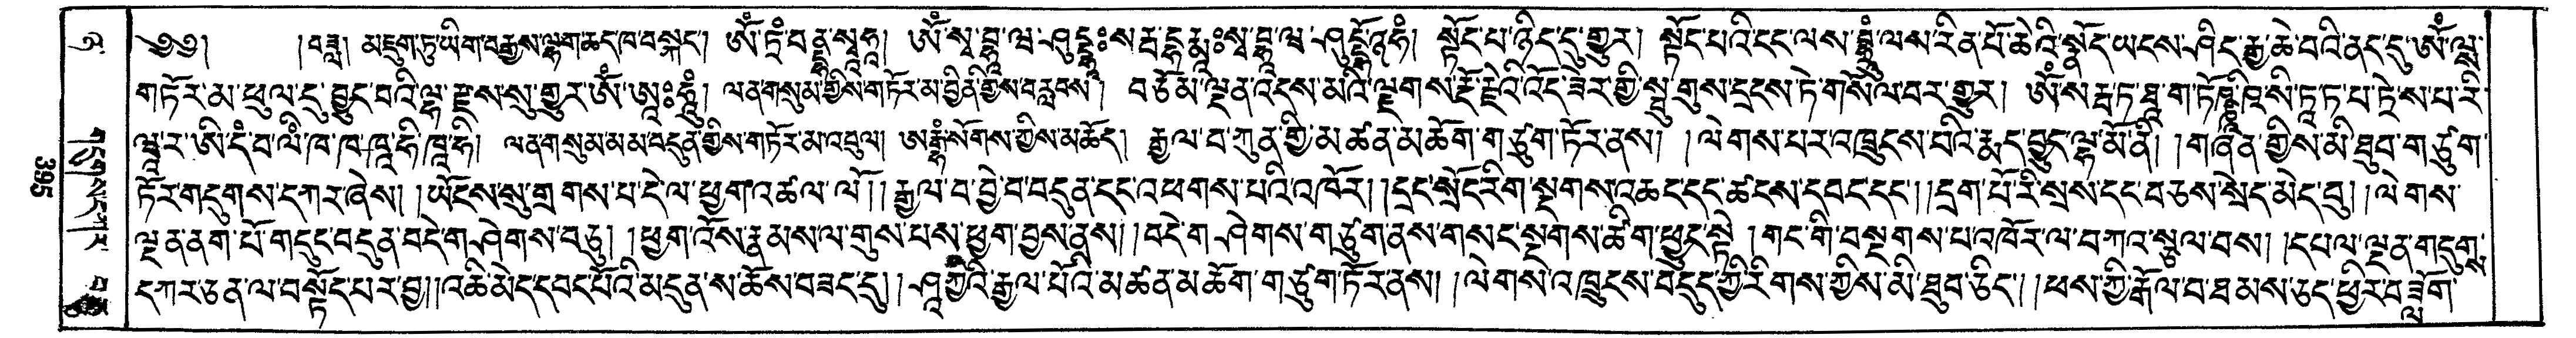༄༅། །བཟླ་མཇུག་ཏུ་ཡིག་བརྒྱས་ལྷག་ཆད་ཁ་བསྐང་། ཨོཾ་ཏྲཾ་བནྡྷ་སྭཱཧཱ། ཨོཾ་སྭ་བྷཱ་ཝ་ཤུདྡྷཱཿསརྦ་དྷརྨཱཿསྭ་བྷཱ་ཝ་ཤུདྡྷོཉྷཾ། སྟོང་པ་ཉིད་དུ་གྱུར། སྟོང་པའི་ངང་ལས་བྷཱུཾ་ལས་རིན་པོ་ཆེའི་སྣོད་ཡངས་ཤིང་རྒྱ་ཆེ་བའི་ནང་དུ་ཨོཾ་ལས་
གཏོར་མ་ཕུལ་དུ་བྱུང་བའི་ལྷ་རྫས་སུ་གྱུར་ཨོཾ་ཨཱཿ ཧཱུཾ། ལན་གསུམ་གྱིས་གཏོར་མ་བྱིན་གྱིས་བརླབས། བཅོམ་ལྡན་འདས་མའི་ལྗགས་རྡོ་རྗེའི་འོང་ཟེར་གྱི་སྦུ་གུས་དྲངས་ཏེ་གསོལ་བར་གྱུར། ཨོཾ་སརྦ་ཏ་ཐཱ་ག་ཏོཥྞཱ་ཥི་སི་ཏཱ་ཏ་པ་ཏྲེ་ས་པ་རི་
ཝཱ་ར་ཨི་དཾ་བ་ལིཾ་ཁ་ཁ་ཁཱ་ཧི་ཁཱ་ཧི། ལན་གསུམ་མམ་བདུན་གྱིས་གཏོར་མ་འབུལ། ཨརྒྷཾ་སོགས་ཀྱིས་མཆོད། རྒྱལ་བ་ཀུན་གྱི་མཚན་མཆོག་གཙུག་ཏོར་ནས། །ལེགས་པར་འཁྲུངས་པའི་རྨད་བྱུང་ལྷ་མོ་ནི། །གཞན་གྱིས་མི་ཐུབ་གཙུག་
ཏོར་གདུགས་དཀར་ཞེས། །ཡོངས་སུ་གྲགས་པ་དེ་ལ་ཕྱག་འཚལ་ལོ། །རྒྱལ་བ་བྱེ་བ་དུན་དང་འཕགས་པའི་འཁོར། །དྲང་སྲོང་རིག་སྔགས་འཆང་དང་ཚངས་དབང་དང་། །དྲག་པོ་རི་སྲས་དང་བཅས་སྲེད་མེད་བུ། །ལེགས་
ལྡན་ནག་པོ་གདུང་བདུན་བདེ་གཤེགས་བཅུ། །ཕྱག་འོས་རྣམས་ལ་གུས་པས་ཕྱག་བྱས་ནས། །བདེ་གཤེགས་གཙུག་ནས་གསང་སྔགས་ཚིག་ཕྱུང་སྟེ་།གང་གི་བསྔགས་པ་འཁོར་ལ་བཀའ་སྩལ་པས། །དཔལ་ལྡན་གདུགས་
དཀར་ཅན་ལ་བསྟོད་པར་བྱ། །འཆི་མེད་དབང་པོའི་མདུན་ས་ཆོས་བཟང་དུ། ཤཱཀྱའི་རྒྱལ་པོའི་མཚན་མཆོག་གཙུག་ཏོར་ནས། །ལེགས་འཁྲུངས་བདུད་ཀྱི་རིགས་ཀྱིས་མི་ཐུབ་ཅིང་། །ཕས་ཀྱི་རྒོལ་བ་ཐམས་ཅད་ཕྱིར་བཟློག་